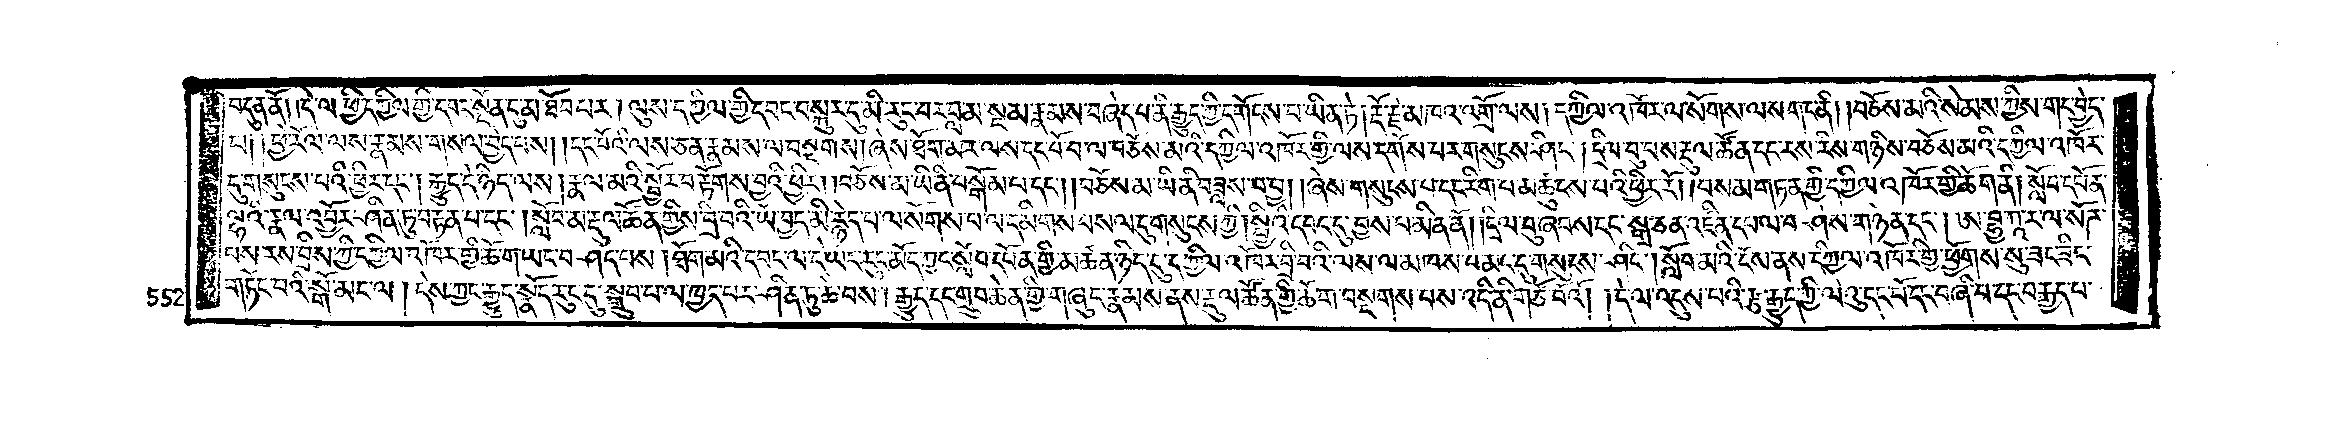བདུན་ནོ། །དེ་ལ་ཕྱི་དཀྱིལ་གྱི་དབང་སྔོན་དུ་མ་ཐོབ་པར། ལུས་དཀྱིལ་གྱི་དབང་བསྐུར་དུ་མི་རུང་བར་བླ་མ་སྔ་མ་རྣམས་བཞེད་པ་ནི་རྒྱུད་ཀྱི་དགོངས་པ་ཡིན་ཏེ། རྡོ་རྗེ་མཁའ་འགྲོ་ལས། དཀྱིལ་འཁོར་ལ་སོགས་ལས་གང་ནི། །བཅོས་མའི་སེམས་ཀྱིས་གང་བྱེད་
པ༑ ༑ཕྱི་རོལ་ལས་རྣམས་གསལ་བྱེད་པས། །དང་པོའི་ལས་ཅན་རྣམས་ལ་བསྔགས། ཞེས་ཐོག་མར་ལས་དང་པོ་པ་ལ་བཅོས་མའི་དཀྱིལ་འཁོར་གྱི་ལས་དགོས་པར་གསུངས་ཤིང་། དྲིལ་བུ་པས་རྡུལ་ཚོན་དང་རས་རིས་གཉིས་བཅོས་མའི་དཀྱིལ་འཁོར་
དུ་གསུངས་པའི་ཕྱིར་དང་། རྒྱུད་དེ་ཉིད་ལས། རྣལ་མའི་སྦྱོར་བ་རྟོགས་བྱའི་ཕྱིར། །བཅོས་མ་ཡི་ནི་བསྒོམ་པ་དང་། །བཅོས་མ་ཡི་ནི་བཟླས་པ་བྱ། །ཞེས་གསུངས་པ་དང་རིག་པ་མཚུངས་པའི་ཕྱིར་རོ། །བསམ་གཏན་གྱི་དཀྱིལ་འཁོར་གྱི་ཆོ་ག་ནི། སློབ་དཔོན་
ལྷའི་རྣལ་འབྱོར་ཤིན་ཏུ་བརྟན་པ་དང་། སློབ་མ་རྡུལ་ཚོན་གྱིས་བྲི་བའི་ཡོ་བྱད་མི་རྙེད་པ་ལ་སོགས་པ་ལ་དམིགས་བསལ་དུ་གསུངས་ཀྱི། སྤྱིའི་དབང་དུ་བྱས་པ་མིན་ནོ། །དྲིལ་བུ་ཞབས་དང་སྒྲ་ཅན་འཛིན་དཔལ་བཤེས་གཉེན་དང་། ཨ་བྷྱ་ཀཱ་ར་ལ་སོགས་
པས་རས་བྲིས་ཀྱི་དཀྱིལ་འཁོར་གྱི་ཆོ་ག་ཡང་བཤད་པས། ཐོག་མའི་དབང་ལ་དེ་ཡང་རུང་མོད་ཀྱང་སློབ་དཔོན་གྱི་མཚན་ཉིད་དུ་དཀྱིལ་འཁོར་བྲི་བའི་ལས་ལ་མཁས་པ་མང་དུ་གསུངས་ཤིང་། སློབ་མའི་ངོས་ནས་དཀྱིལ་འཁོར་གྱི་ཕྱོགས་སུ་ཟང་ཟིང་
གཏོང་བའི་སྒོ་མང་ལ། དེས་ཀྱང་རྒྱུད་སྣོད་རུང་དུ་སྒྲུབ་པ་ལ་ཁྱད་པར་ཤིན་ཏུ་ཆེ་བས། རྒྱུད་དང་གྲུབ་ཆེན་གྱི་གཞུང་རྣམས་ནས་རྡུལ་ཚོན་གྱི་ཆོ་ག་བསྔགས་པས་འདི་ནི་གཙོ་བོའོ། །དེ་ལ་འདུས་པའི་རྩ་རྒྱུད་ཀྱི་ལེའུ་དང་པོ་དང་བཞི་པ་དང་བརྒྱད་པ་